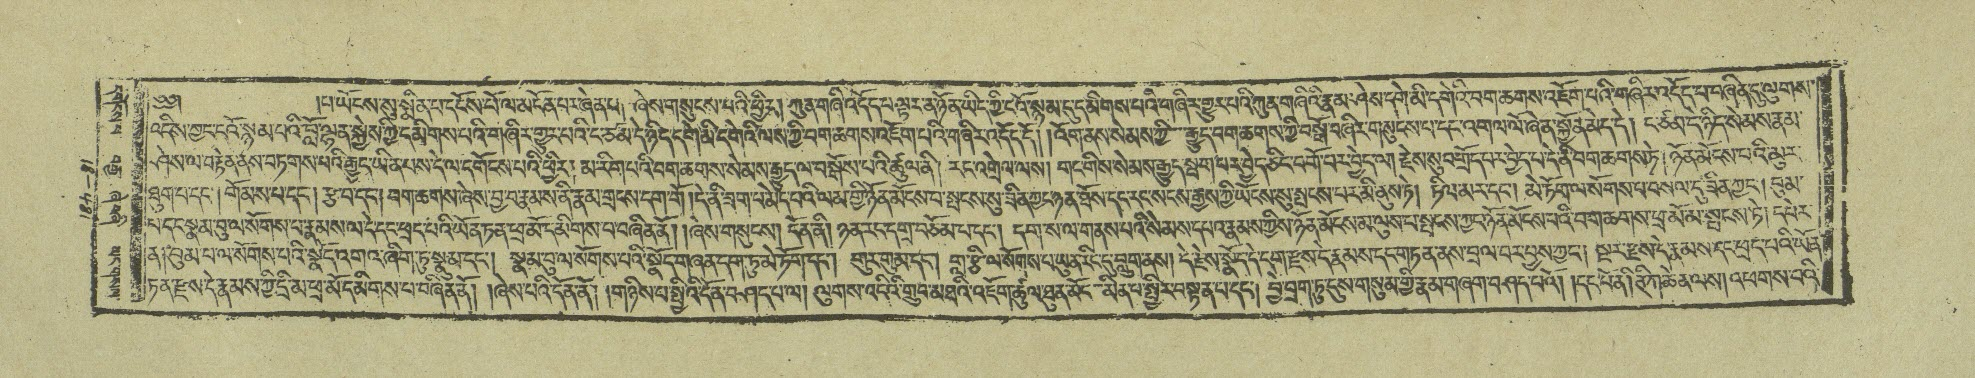༄༅། །པ་ཡོངས་སུ་སྨིན་པ་དངོས་པོ་ལ་མངོན་པར་ཞེན་པ། ཞེས་གསུངས་པའི་ཕྱིར། ཀུན་གཞི་འདོད་པ་ལྟར་ན་ཉོན་ཡིད་ཀྱི་ངའོ་སྙམ་དུ་དམིགས་པའི་གཞིར་གྱུར་པའི་ཀུན་གཞིའི་རྣམ་ཤེས་དགེ་མི་དགེའི་བག་ཆགས་འཇོག་པའི་གཞིར་འདོད་པ་བཞིན་དུ་ལུགས་
འདིས་ཀྱང་ངའོ་སྙམ་པའི་བློ་ལྷན་སྐྱེས་ཀྱི་དམིགས་པའི་གཞིར་གྱུར་པའི་ང་ཙམ་དེ་ཉིད་དག་མི་དགེའི་ལས་ཀྱི་བག་ཆགས་འཇོག་པའི་གཞིར་འདོད་དོ། །འོག་ནས་སེམས་ཀྱི་རྒྱུད་བག་ཆགས་ཀྱི་བསྒོ་བཞིར་གསུངས་པ་དང་འགལ་ལོ་ཞེ་ན་སྐྱོན་མེད་དེ། ང་ཙམ་དེ་ཉིད་སེམས་རྣམ་
ཤེས་ལ་བརྟེན་ནས་བཏགས་པའི་རྒྱུད་ཡིན་པས་དེ་ལ་དགོངས་པའི་ཕྱིར། མ་རིག་པའི་བག་ཆགས་སེམས་རྒྱུད་ལ་བསྒོས་པའི་ཚུལ་ནི། རང་འགྲེལ་ལས། གང་གིས་སེམས་རྒྱུད་སྤག་པར་བྱེད་ཅིང་བགོ་པར་བྱེད་ལ། རྗེས་སུ་བགྲོད་པར་བྱེད་པ་དེ་ནི་བག་ཆགས་ཏེ། ཉོན་མོངས་པའི་མུར་
ཐུག་པ་དང་། གོམས་པ་དང་། རྩ་བ་དང་། བག་ཆགས་ཞེས་བྱ་བ་རྣམས་ནི་རྣམ་གྲངས་དག་གོ །དེ་ནི་ཟག་པ་མེད་པའི་ལམ་གྱི་ཉོན་མོངས་བ་སྤངས་སུ་ཟིན་ཀྱང་ཉན་ཐོས་དང་རང་སངས་རྒྱས་ཀྱི་ཡོངས་སུ་སྤངས་བར་མི་ནུས་ཏེ། ཏིལ་མར་དང་། མེ་ཏོག་ལ་སོགས་པ་བསལ་དུ་ཟིན་ཀྱང་། བུམ་
པ་དང་སྣམ་བུ་ལ་སོགས་པ་རྣམས་ལ་དེ་དང་ཕྲད་པའི་ཡོན་ཏན་ཕྲ་མོ་དམིགས་པ་བཞིན་ནོ། །ཞེས་གསུངས། དོན་ནི། ཉན་རང་དགྲ་བཅོམ་པ་དང་། དག་ས་ལ་གནས་པའི་སེམས་དཔའ་རྣམས་ཀྱིས་ཉོན་མོངས་མ་ལུས་པ་སྤངས་ཀྱང་ཉོན་མོངས་པའི་བག་ཆགས་ཕྲ་མོ་མ་སྤངས་ཏེ། དཔེར་
ན། བུམ་པ་ལ་སོགས་པའི་སྣོད་འགའ་ཞིག་ཏུ་སྣུམ་དང་། སྣམ་བུ་ལ་སོགས་པའི་སྣོད་གཞན་དག་ཏུ་མེ་ཏོག་དང་། གུར་གུམ་དང་། གླ་རྩི་ལ་སོགས་པ་ཡུན་རིང་དུ་བླུག་ནས། དེ་རྗེས་སྣོད་དེ་དག་རྫས་དེ་རྣམས་དང་གཏན་ནས་བྲལ་བར་བྱས་ཀྱང་། སྔར་རྫས་དེ་རྣམས་དང་ཕྲད་པའི་ཡོན་
ཏན་རྫས་དེ་རྣམས་ཀྱི་དྲི་མ་ཕྲ་མོ་དམིགས་པ་བཞིན་ནོ། །ཞེས་པའི་དོན་ནོ། །གཉིས་པ་སྤྱིའི་དོན་བཤད་པ་ལ། ལུགས་འདིའི་གྲུབ་མཐའི་འཇོག་ཚུལ་ཐུན་མོང་མིན་པ་སྤྱིར་བསྟན་པ་དང་། བྱེ་བྲག་ཏུ་དུས་གསུམ་གྱི་རྣམ་གཞག་བཤད་པའོ། །དང་པོ་ནི། ཊིཀ་ཆེན་ལས། འཕགས་པའི་